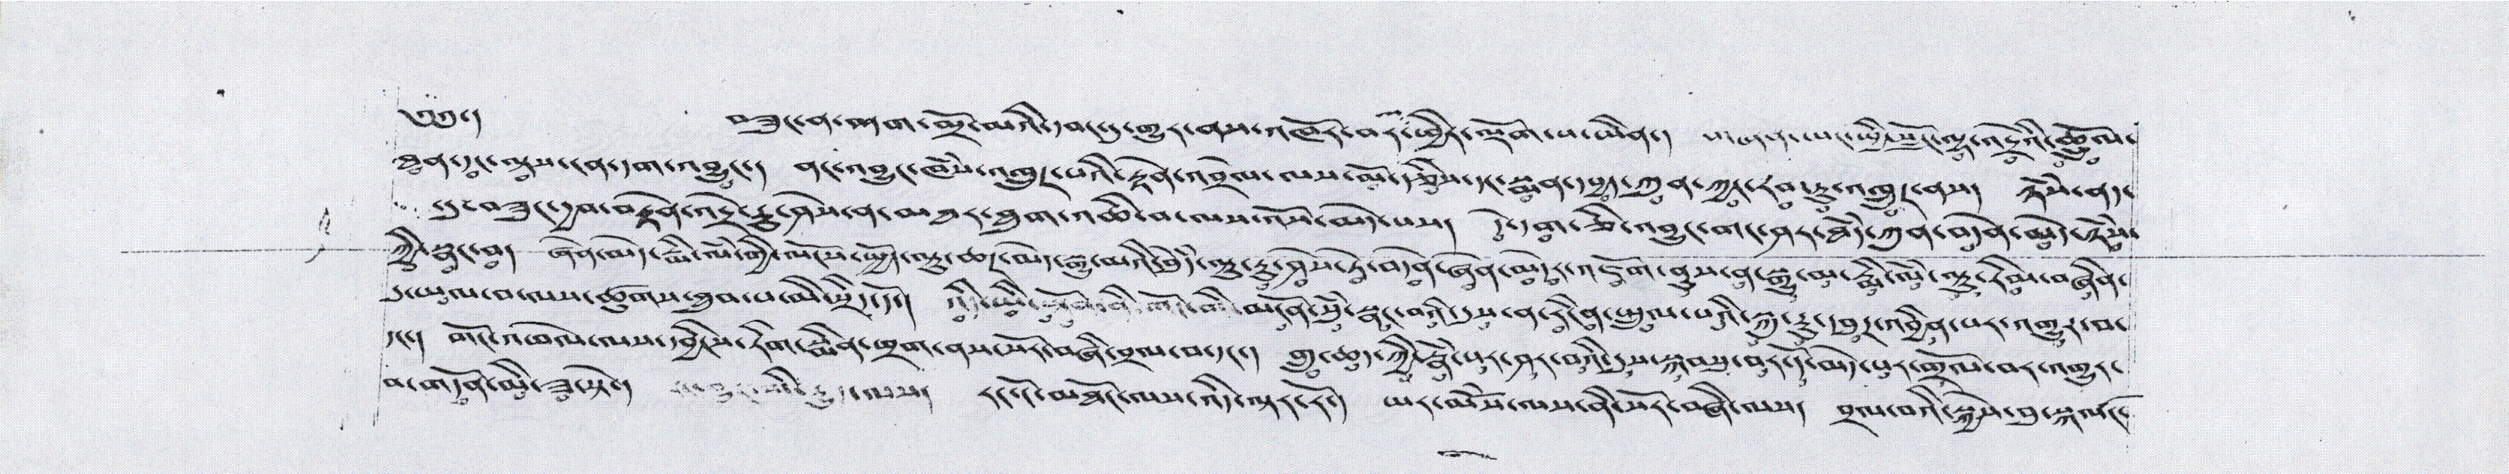བཟུང་ན་བདག་མཁའ་འགྲོ་མའི་དབང་དུ་གྱུར་ནས་འཁོར་བར་ཕྱིར་ལྡོག་པ་ཡིན། གཞན་ཡང་ཕྱི་སློང་ལྷ་འདྲེའི་ཆོ་འཕྲུལ་
ཐན་དང་ལྟས་ངན་དག་འབྱུང་། ནད་འབྱུང་ཁམས་འཁྲུགས་པའི་རྟེན་འབྲེལ་ལས་མོ་རྩིས་དང་སྨན་དཔྱད་ཀུན་ཀྱང་རབ་ཏུ་འཁྲུགས་ནས། ཉམས་ནད་
དུ་བཟུང་རྒྱབ་རྟེན་འདྲེ་རུ་ཤེས་ན་མཐར་ཐུག་འཆི་བ་ལས་འོས་མེད་པས། དེ་དག་ཅི་འབྱུང་གང་ཤར་ཐམས་ཅད་ཀུན་བདེན་མེད་ཉམས་
ཀྱི་སྣང་བ། ཞེན་མེད་རྨི་ལམ་གྱི་ལོངས་སྤྱོད་ལྟ་བུ་ཆགས་མེད་སྒྱུ་མའི་བུད་མེད་ལྟ་བུ་རུ་ཤེས་ཏེ་བདེན་ཞེན་མེད་པར་འཇོག་ནུས་ན་སྒྱུ་མ་རྨི་ལམ་ལྟ་བུ་རིམ་བཞིན་
དུ་ཡལ་བ་ལས་ཚུགས་ཐུབ་པ་མི་སྲིད་དོ། འདི་ཡི་ཡོན་ཏན་ནི་གོང་གི་མངོན་སུམ་དུ་སྣང་བའི་དུས་ན་རང་བཞིན་སྤྲུལ་པའི་སྐུ་རུ་དབུགས་འབྱིན་པར་འགྱུར་བ་
དང་། གོང་འཕེལ་ལས་དབྱིངས་རིག་སྨིན་ཕྲག་ནས་སོར་བཞི་བྲལ་བ་དང་། གྲུ་ཆད་ཀྱི་རྣམ་པར་ཤར་བའི་དུས་སྐབས་སུ་བར་དོ་མེད་པར་གྲོལ་བར་འགྱུར་
བར་གདོན་མི་ཟ་སྟེ། རང་བྱུང་གི་རྒྱུད་ལས། རང་ངོ་མཐོང་ལས་འདི་ལྟར་རོ། ཡར་མཚམས་ལས་ནི་སོར་བཞི་ལས། བྲལ་བའི་སྐྱེས་བུ་སྐལ་བཟང་